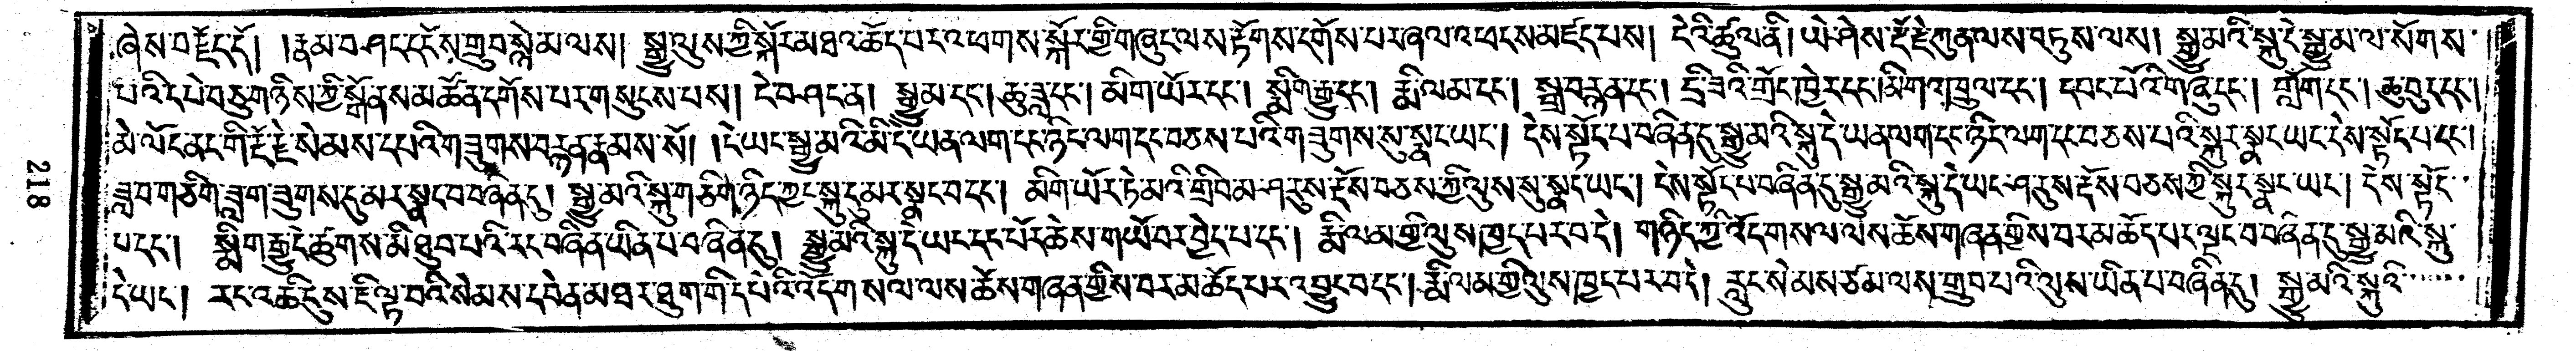ཞེས་བརྗོད་དོ། །རྣམ་བཤད་དངོས་གྲུབ་སྙེ་མ་ལས། སྒྱུ་ལུས་ཀྱི་སྐོར་མཐའ་ཆོད་པར་འཕགས་སྐོར་གྱི་གཞུང་ལས་རྟོགས་དགོས་པར་ཞལ་འཕངས་མཛད་པས། དེའི་ཚུལ་ནི། ཡེ་ཤེས་རྡོ་རྗེ་ཀུན་ལས་བཏུས་ལས། སྒྱུ་མའི་སྐུ་དེ་སྒྱུ་མ་ལ་སོགས་
པའི་དཔེ་བཅུ་གཉིས་ཀྱི་སྒོ་ནས་མཚོན་དགོས་པར་གསུངས་པས། དེ་བཤད་ན། སྒྱུ་མ་དང་། ཆུ་ཟླ་དང་། མིག་ཡོར་དང་། སྨིག་རྒྱུ་དང་། རྨི་ལམ་དང་། སྒྲ་བརྙན་དང་། དྲི་ཟའི་གྲོང་ཁྱེར་དང་། མིག་འཁྲུལ་དང་། དབང་པོའི་གཞུ་དང་། གློག་དང་། ཆུ་བུད་དང་།
མེ་ལོང་ནང་གི་རྡོ་རྗེ་སེམས་དཔའི་གཟུགས་བརྙན་རྣམས་སོ། །དེ་ཡང་སྒྱུ་མའི་མི་དེ་ཡན་ལག་དང་ཉིད་ལག་དང་བཅས་པའི་གཟུགས་སུ་སྣང་ཡང་། དེས་སྟོང་པ་བཞིན་དུ་སྒྱུ་མའི་སྐུ་དེ་ཡན་ལག་དང་ཉིད་ལག་དང་བཅས་པའི་སྐུར་སྣང་ཡང་དེས་སྟོང་པ་དང་།
ཟླ་བ་གཅིག་ཟླ་གཟུགས་དུ་མར་སྣང་བ་བཞིན་དུ། སྒྱུ་མའི་སྐུ་གཅིག་ཉིད་ཀྱང་སྐུ་དུ་མར་སྣང་བ་དང་། མིག་ཡོར་ཏེ་མའི་གྲིབ་མ་ཤ་རུས་རྡོས་བཅས་ཀྱི་ལུས་སུ་སྣང་ཡང་། དེས་སྟོང་པ་བཞིན་དུ་སྒྱུ་མའི་སྐུ་དེ་ཡང་ཤ་རུས་རྡོས་བཅས་ཀྱི་སྐུར་སྣང་ཡང་། དེས་སྟོང་
པ་དང་། སྨིག་རྒྱུ་དེ་ཚུགས་མི་ཐུབ་པའི་རང་བཞིན་ཡིན་པ་བཞིན་དུ། སྒྱུ་མའི་སྐུ་དེ་ཡང་དང་པོར་ཆེས་གཡོ་བར་བྱེད་པ་དང་། རྨི་ལམ་གྱི་ལུས་ཁྱད་པར་བ་དེ། གཉིད་ཀྱི་འོད་གསལ་ལས་ཆོས་གཞན་གྱིས་བར་མ་ཆོད་པར་ལྡང་བ་བཞིན་དུ་སྒྱུ་མའི་སྐུ་
དེ་ཡང་། རང་འཆི་དུས་ཇི་ལྟ་བའི་སེམས་དབེན་མཐར་ཐུག་གི་དཔེའི་འོད་གསལ་ལས་ཆོས་གཞན་གྱིས་བར་མ་ཆོད་པར་འབྱུང་བ་དང་། རྨི་ལམ་གྱི་ལུས་ཁྱད་པར་བ་དེ། རླུང་སེམས་ཙམ་ལས་གྲུབ་པའི་ལུས་ཡིན་པ་བཞིན་དུ། སྒྱུ་མའི་སྐུའི་